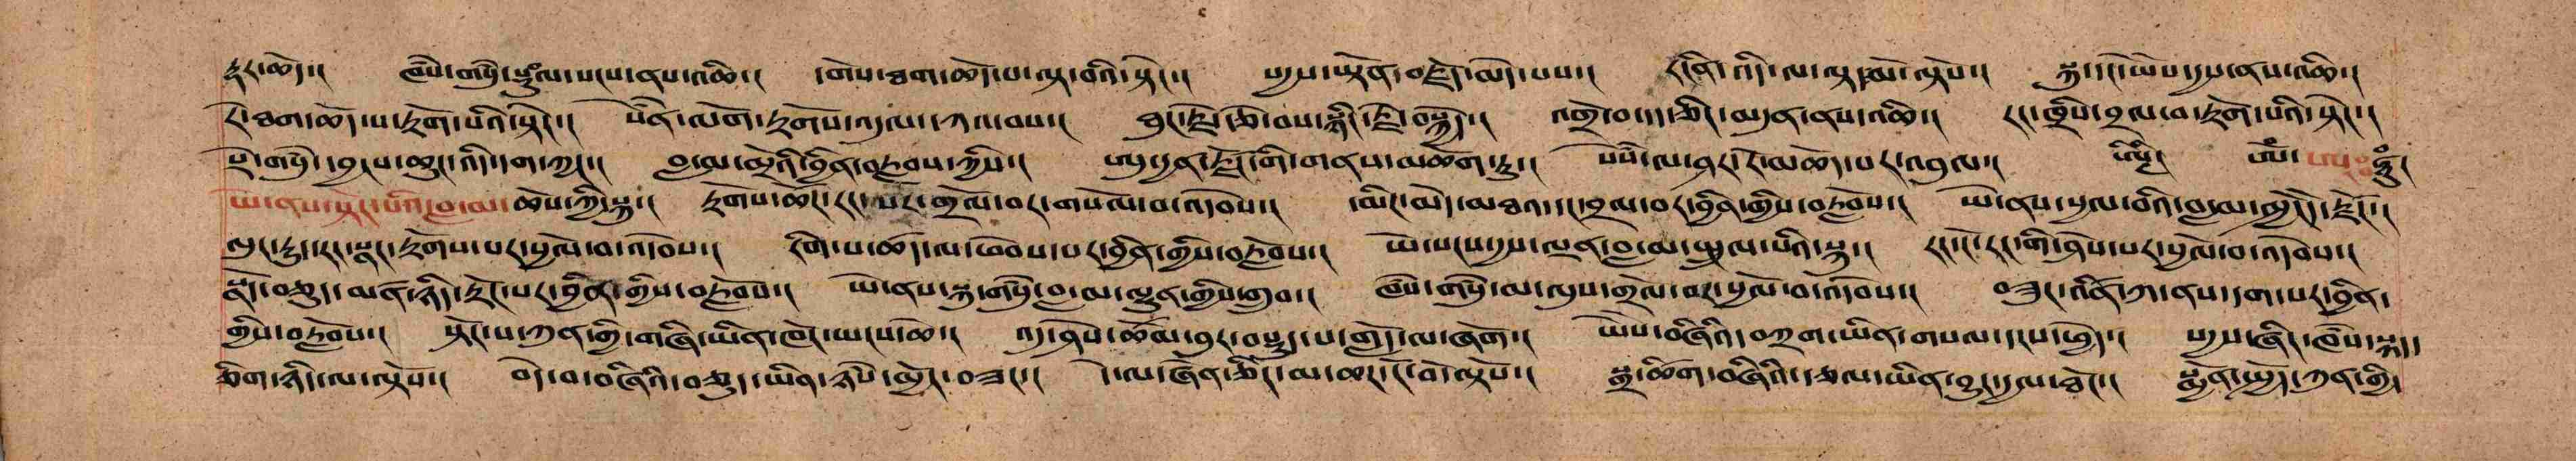རྡར་ཆོད། ཁམས་གསུམ་སྡུག་བསྔལ་སངས་ནས་འཆི། དགོས་ཐག་ཆོད་པ་ལྟ་བའི་སྟེང་། སངས་རྒྱས་ཡོན་ཏན་བརྗོད་མེད་པས། རང་བཞིན་འདི་ལ་ལྟད་མོ་ལྟོས། སྐུ་དང་ཡེ་ཤེས་རྒྱས་ནས་འཆི། 
རེ་ཐག་ཆོད་པ་རྟོག་པའི་སྟེང་། སེམས་ཅན་ལོག་རྟོགས་འདུལ་དཀའ་བས། ཐུགས་རྗེ་རྩེ་བས་སྙིང་རྗེ་བསྐྱེད། འགྲོ་བ་དད་ཅིང་མདུན་ནས་འཆི། རང་ཁྲིས་བྲལ་བ་རྟོག་པའི་སྟེང་། 
སྡེ་གསུམ་དབྱངས་ཆུང་འདི་དག་ཀྱང་། བླ་མ་མཁའ་འགྲོའི་བྱིན་བརླབས་ཀྱིས། ཨུ་རྒྱན་རྫོང་གི་གནས་མཆོག་ཏུ། སེམས་ལ་ཤར་རོ་མཆོག་པར་འབུལ། ཨིཊི། ཨོཾ་ཨཿཧཱུཾ། 
ཡེ་ནས་སྟོང་པའི་བླ་མ་ཆོས་ཀྱི་སྐུ། རྟོགས་ཚོགས་རང་སར་གྲོལ་བར་གསོལ་བ་འདེབས། དམིགས་མེད་མཐའ་དང་བྲལ་བར་བྱིན་གྱིས་བརློབས། ཡེ་ནས་གསལ་བའི་བླ་མ་ལོངས་སྤྱོད་རྫོགས། 
ལུང་དྱུད་རང་སྣང་རྟོགས་པར་གསོལ་བ་འདེབས། རིག་པ་ཚད་ལ་ཕེབས་པར་བྱིན་གྱིས་གྲུབ། ཡེ་སངས་རྒྱས་ལྡན་བླ་མ་སྤྲུལ་པའི་སྐུ། རང་ངོ་རང་གི་ཤེས་པར་གསོལ་བ་འདེབས། 
སྣོད་བཅུད་མཚན་ཉིད་རྟོགས་པར་བྱིན་གྱིས་བརློབས། ཡེ་ནས་སྐུ་གསུམ་བླ་མ་ལྷུན་གྱིས་གྲུབ། ཁམས་གསུམ་མ་ལུས་གྲོལ་བར་གསོལ་བ་འདེབས། བཟུང་འཛིན་ཀ་ནས་དག་པར་བྱིན་
གྱིས་བརློབས། སྟོང་པ་ཀུན་གྱི་གཞི་ཡིན་ཁོང་ཡངས་ཆེ། འདུ་ཤེས་ཚོམ་བུར་བསྡུད་པ་གློད་ལ་ཞོག ཡེ་ཤེས་བཞིའི་བཀྲག་ཡིན་གསལ་དངས་ཕྱེད། སངས་རྒྱས་ཞིང་ཁམས་སྐད་
ཅིག་ཉིད་ལ་ལྟོས། བདེ་བ་བཞིའི་བཅུད་ཡིན་ཉམས་མྱོང་བཟང་། དེ་ལ་ཞེན་ཅིང་མ་ཆགས་ངོ་བོ་ལྟོས། སྒྲ་ཚིག་བཞིའི་རྩལ་ཡིན་བྱུང་རྒྱལ་ཐོང་། སྨྱོན་སྤྱོད་ཀུན་གྱི